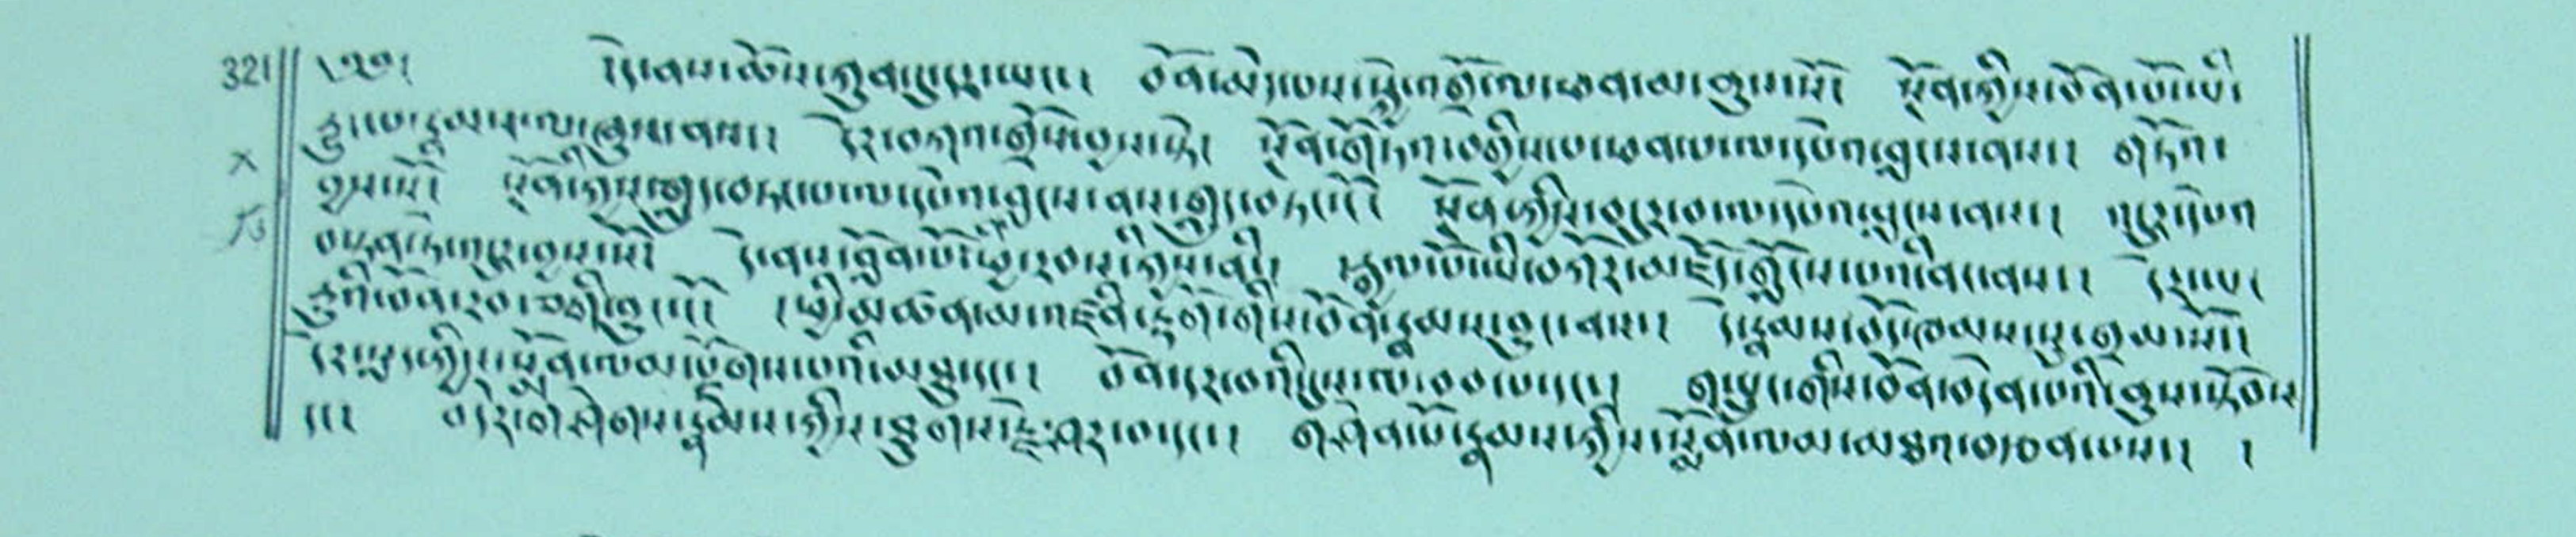༄༅། །དེ་ནས་ཆོས་ཀུན་ཏུ་དར་ཡང་། བོན་མེད་པས་གནས་པས་སྐྱེ་འགྲོ་ལ་ཕན་མ་ནུས་སོ། །སྔོན་གྱི་བོན་པོ་ཡི་
བརྒྱུད་པ་རྣམས་ལ་ཞུས་ནས། དེར་བཀའ་གྲོས་བྱས་ཏེ། སྔོན་གཏོ་བགྱིས་པ་ཕན་པ་ལ་དཔེའ་བླངས་ནས། གཏོ་
བྱས་སོ། །སྔོན་གྱི་གླུད་བཏང་བ་ལ་དཔེའ་བླངས་ནས་གླུད་བཏང་ངོ་། །སྔོན་གྱི་བདུར་བ་ལ་དཔེའ་བླངས་ནས། འདུར་དཔེ་
བསྟན་ནས་འདུར་བྱས་སོ། དེ་ནས་བློན་པོ་ཕྱི་རབས་རྣམས་ཀྱིས་ནི། རྒྱལ་བོ་ཡི་བཀོར་མཛོད་གློངས་པའི་ནང་ནས། དེར་ཡང་
རྒྱུའི་བོན་རབ་ཅིག་བྱུང་ངོ་། །ཕྱི་མཚན་མ་འཛིན་རྟོག་གིས་བོན་རྣམས་བྱུང་ནས། དེ་རྣམས་བོད་ཁམས་སུ་བཀྲམ།་སོང་། 
དེར་སླད་ཀྱིས་སྨོན་ལམ་རྫོགས་པའི་མཐུ་དང་། བོན་དར་བའི་དུས་ལ་བབ་པ་དང་། གཡུང་དྲུང་གི་བོན་བདེན་པའི་ནུས་སྟོབས་
དང་། བདེར་གཤེགས་རྣམས་ཀྱིས་ཐུགས་རྗེ་ཤར་བ་དང་། གཤེན་པོ་རྣམས་ཀྱིས་སྨོན་ལམ་མཐའ་བརྩན་པས་།